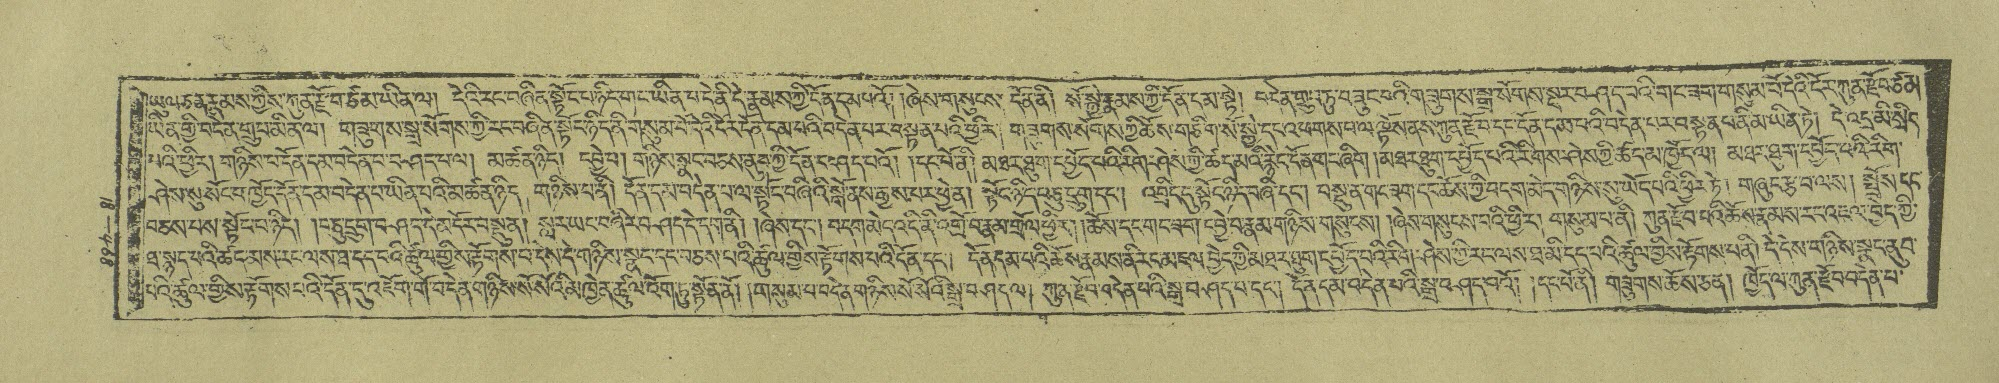ཡུལ་ཅན་རྣམས་ཀྱིས་ཀུན་རྫོབ་ཙམ་ཡིན་ལ། དེའི་རང་བཞིན་སྟོང་པ་ཉིད་གང་ཡིན་པ་དེ་ནི་དེ་རྣམས་ཀྱི་དོན་དམ་པའོ། །ཞེས་གསུངས། དོན་ནི། སོ་སྐྱེ་རྣམས་ཀྱི་དོན་དམ་སྟེ། བདེན་གྲུབ་ཏུ་བཟུང་བའི་གཟུགས་སྒྲ་སོགས་སྔར་བཤད་པའི་གང་ཟག་གསུམ་པོ་དེའི་ངོར་ཀུན་རྫོབ་ཙམ་
ཡིན་གྱི་བདེན་གྲུབ་མིན་ལ། གཟུགས་སྒྲ་སོགས་ཀྱི་རང་བཞིན་སྟོང་ཉིད་ནི་གསུམ་པོ་དེའི་ངོར་དོན་དམ་པའི་བདེན་པར་བསྟན་པའི་ཕྱིར། གཟུགས་སོགས་ཀྱི་ཆོས་གཅིག་སོ་སྐྱེ་དང་འཕགས་པ་ལ་ལྟོས་ནས་ཀུན་རྫོབ་དང་དོན་དམ་པའི་བདེན་པར་བསྟན་པ་ནི་མ་ཡིན་ཏེ། དེ་འདྲ་མི་སྲིད་
པའི་ཕྱིར། གཉིས་པ་དོན་དམ་བདེན་པ་བཤད་པ་ལ། མཚན་ཉིད། དབྱེ་བ། གཉིས་སྣང་བཅས་ནུབ་ཀྱི་དོན་བཤད་པའོ། །དང་པོ་ནི། མཐར་ཐུག་དཔྱོད་པའི་རིག་ཤེས་ཀྱི་ཚད་མའི་རྙེད་དོན་གང་ཞིག །མཐར་ཐུག་དཔྱོད་པའི་རིགས་ཤེས་ཀྱི་ཚད་མ་ཁྱོད་ལ། མཐར་ཐུག་དཔྱོད་པའི་རིག་
ཤེས་སུ་སོང་བ་ཁྱོད་དོན་དམ་བདེན་པ་ཡིན་པའི་མཚན་ཉིད། གཉིས་པ་ནི། དོན་དམ་བདེན་པ་ལ་སྟོང་བཞིའི་སྒོ་ནས་རྒྱས་པར་ཕྱེ་ན། སྟོང་ཉིད་བཅུ་དྲུག་དང་། འབྲིང་དུ་སྟོང་ཉིད་བཞི་དང་། བསྡུ་ན་གང་ཟག་དང་ཆོས་ཀྱི་བདག་མེད་གཉིས་སུ་ཡོད་པའི་ཕྱིར་ཏེ། གཞུང་རྩ་བ་ལས། སྤྲོས་དང་
བཅས་པས་སྟོང་པ་ཉིད། །བཅུ་དྲུག་བཤད་དེ་མདོར་བསྡུ་ན། སླར་ཡང་བཞིར་བཤད་དེ་དག་ནི། །ཞེས་དང་། བདག་མེད་འདི་ནི་འགྲོ་བ་རྣམ་གྲོལ་ཕྱིར། །ཆོས་དང་གང་ཟག་དབྱེ་བ་རྣམ་གཉིས་གསུངས། །ཞེས་གསུངས་པའི་ཕྱིར། གསུམ་པ་ནི། ཀུན་རྫོབ་པའི་ཆོས་རྣམས་རང་འཇལ་བྱེད་ཀྱི་
ཐ་སྙད་པའི་ཚད་མས་རབ་ལས་ཐ་དད་པའི་ཚུལ་གྱིས་རྟོགས་པ་དེས་དེ་གཉིས་སྣང་དང་བཅས་པའི་ཚུལ་གྱིས་རྟོགས་པའི་དོན་དང་། དོན་དམ་པའི་ཆོས་རྣམས་ནི་རང་མཇལ་བྱེད་ཀྱི་མཐར་ཐུག་དཔྱོད་པའི་རིག་ཤེས་ཀྱི་རང་ལས་ཐ་མི་དད་པའི་ཚུལ་གྱིས་རྟོགས་པ་ནི། དེ་དེས་གཉིས་སྣང་ནུབ་
པའི་ཚུལ་གྱིས་རྟོགས་པའི་དོན་དུ་འཇོག་གོ་བདེན་གཉིས་སོ་སོའི་མཁྱེན་ཚུལ་འོག་ཏུ་སྟོན་ནོ། །གསུམ་པ་བདེན་གཉིས་སོ་སོའི་སྒྲ་བཤད་ལ། ཀུན་རྫོབ་བདེན་པའི་སྒྲ་བཤད་པ་དང་། དོན་དམ་བདེན་པའི་སྒྲ་བཤད་པའོ། །དང་པོ་ནི། གཟུགས་ཆོས་ཅན། ཁྱོད་ལ་ཀུན་རྫོབ་བདེན་པ་